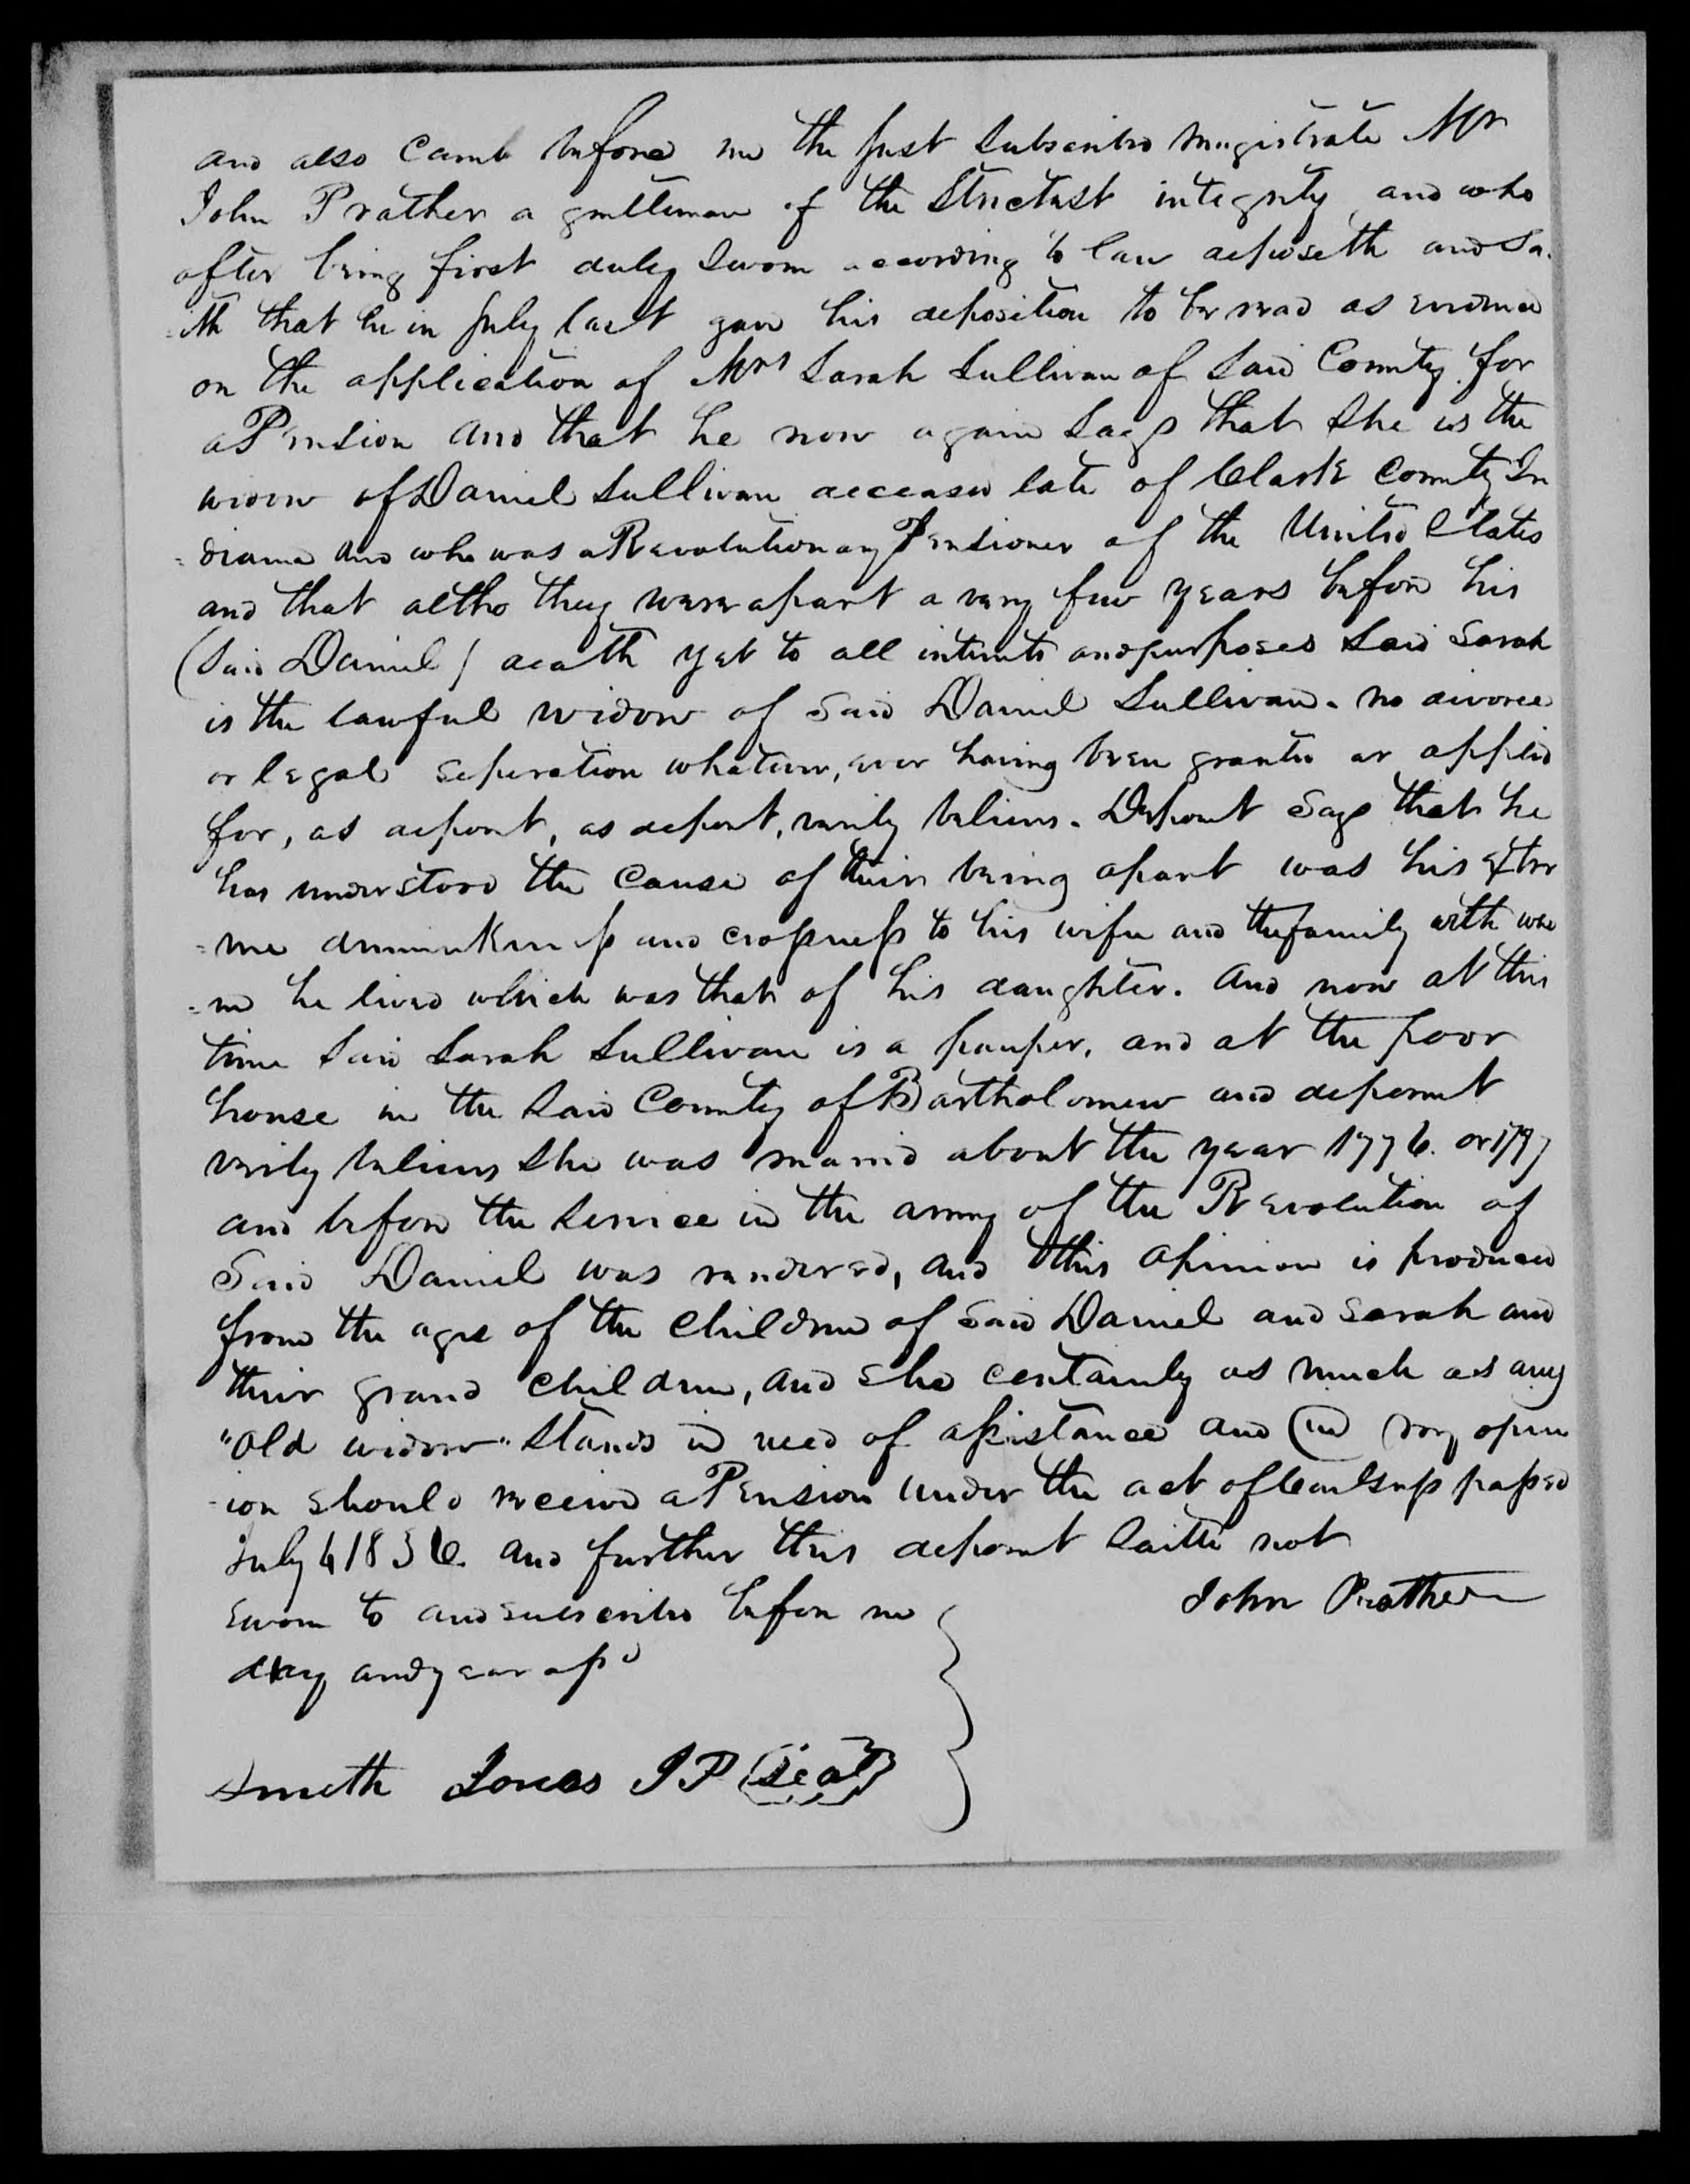and also came before me the just subscribed magistrate Mr. John Prather a gentleman of the strictest integrity and who after being first duly sworn according to law deposeth and saith that he in July last gave his deposition to  be read as evidence on the application of Mrs. Sarah Sullivan of said County for a pension and that he now again says that she is the widow of Daniel Sullivan deceased late of Clarks County Indiana and who was a Revolutionary Pensioner of the United States and that although they were apart a very few years before his (said Daniel's death) yet to all intents and purposes said Sarah is the lawful widow of said Daniel Sullivan. No divorce or legal separation whatever having been granted or applied for as [illegible] as deponent verily believes. Deponent says that he has understood the cause of their being apart was his extreme drunkenness and crossness to his wife and the family with who he lived which was that of his daughter. And now all this time said Sarah Sullivan is a pauper and at the poor house in the said County of Bartholemew and deponent verily believes she was married about the year 1776 or 1777 and before the service in the army of the revolution of said Daniel was rendered and this opinion is produced from the age of the children of said Daniel and Sarah and their grandchildren and she certainly as much as any "old widow" stands in need of assistance and in my opinion should receive a pension under the act of congress passed July 6, 1836 and further this deponent saith not.

[signed] John Prather

Sworn to and subscribed before me day and year aforesaid.

[signed] Smith Jones JP - SEAL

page: 68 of 78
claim: widow's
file: W. 25,169, for Daniel Sullivan, Maryland